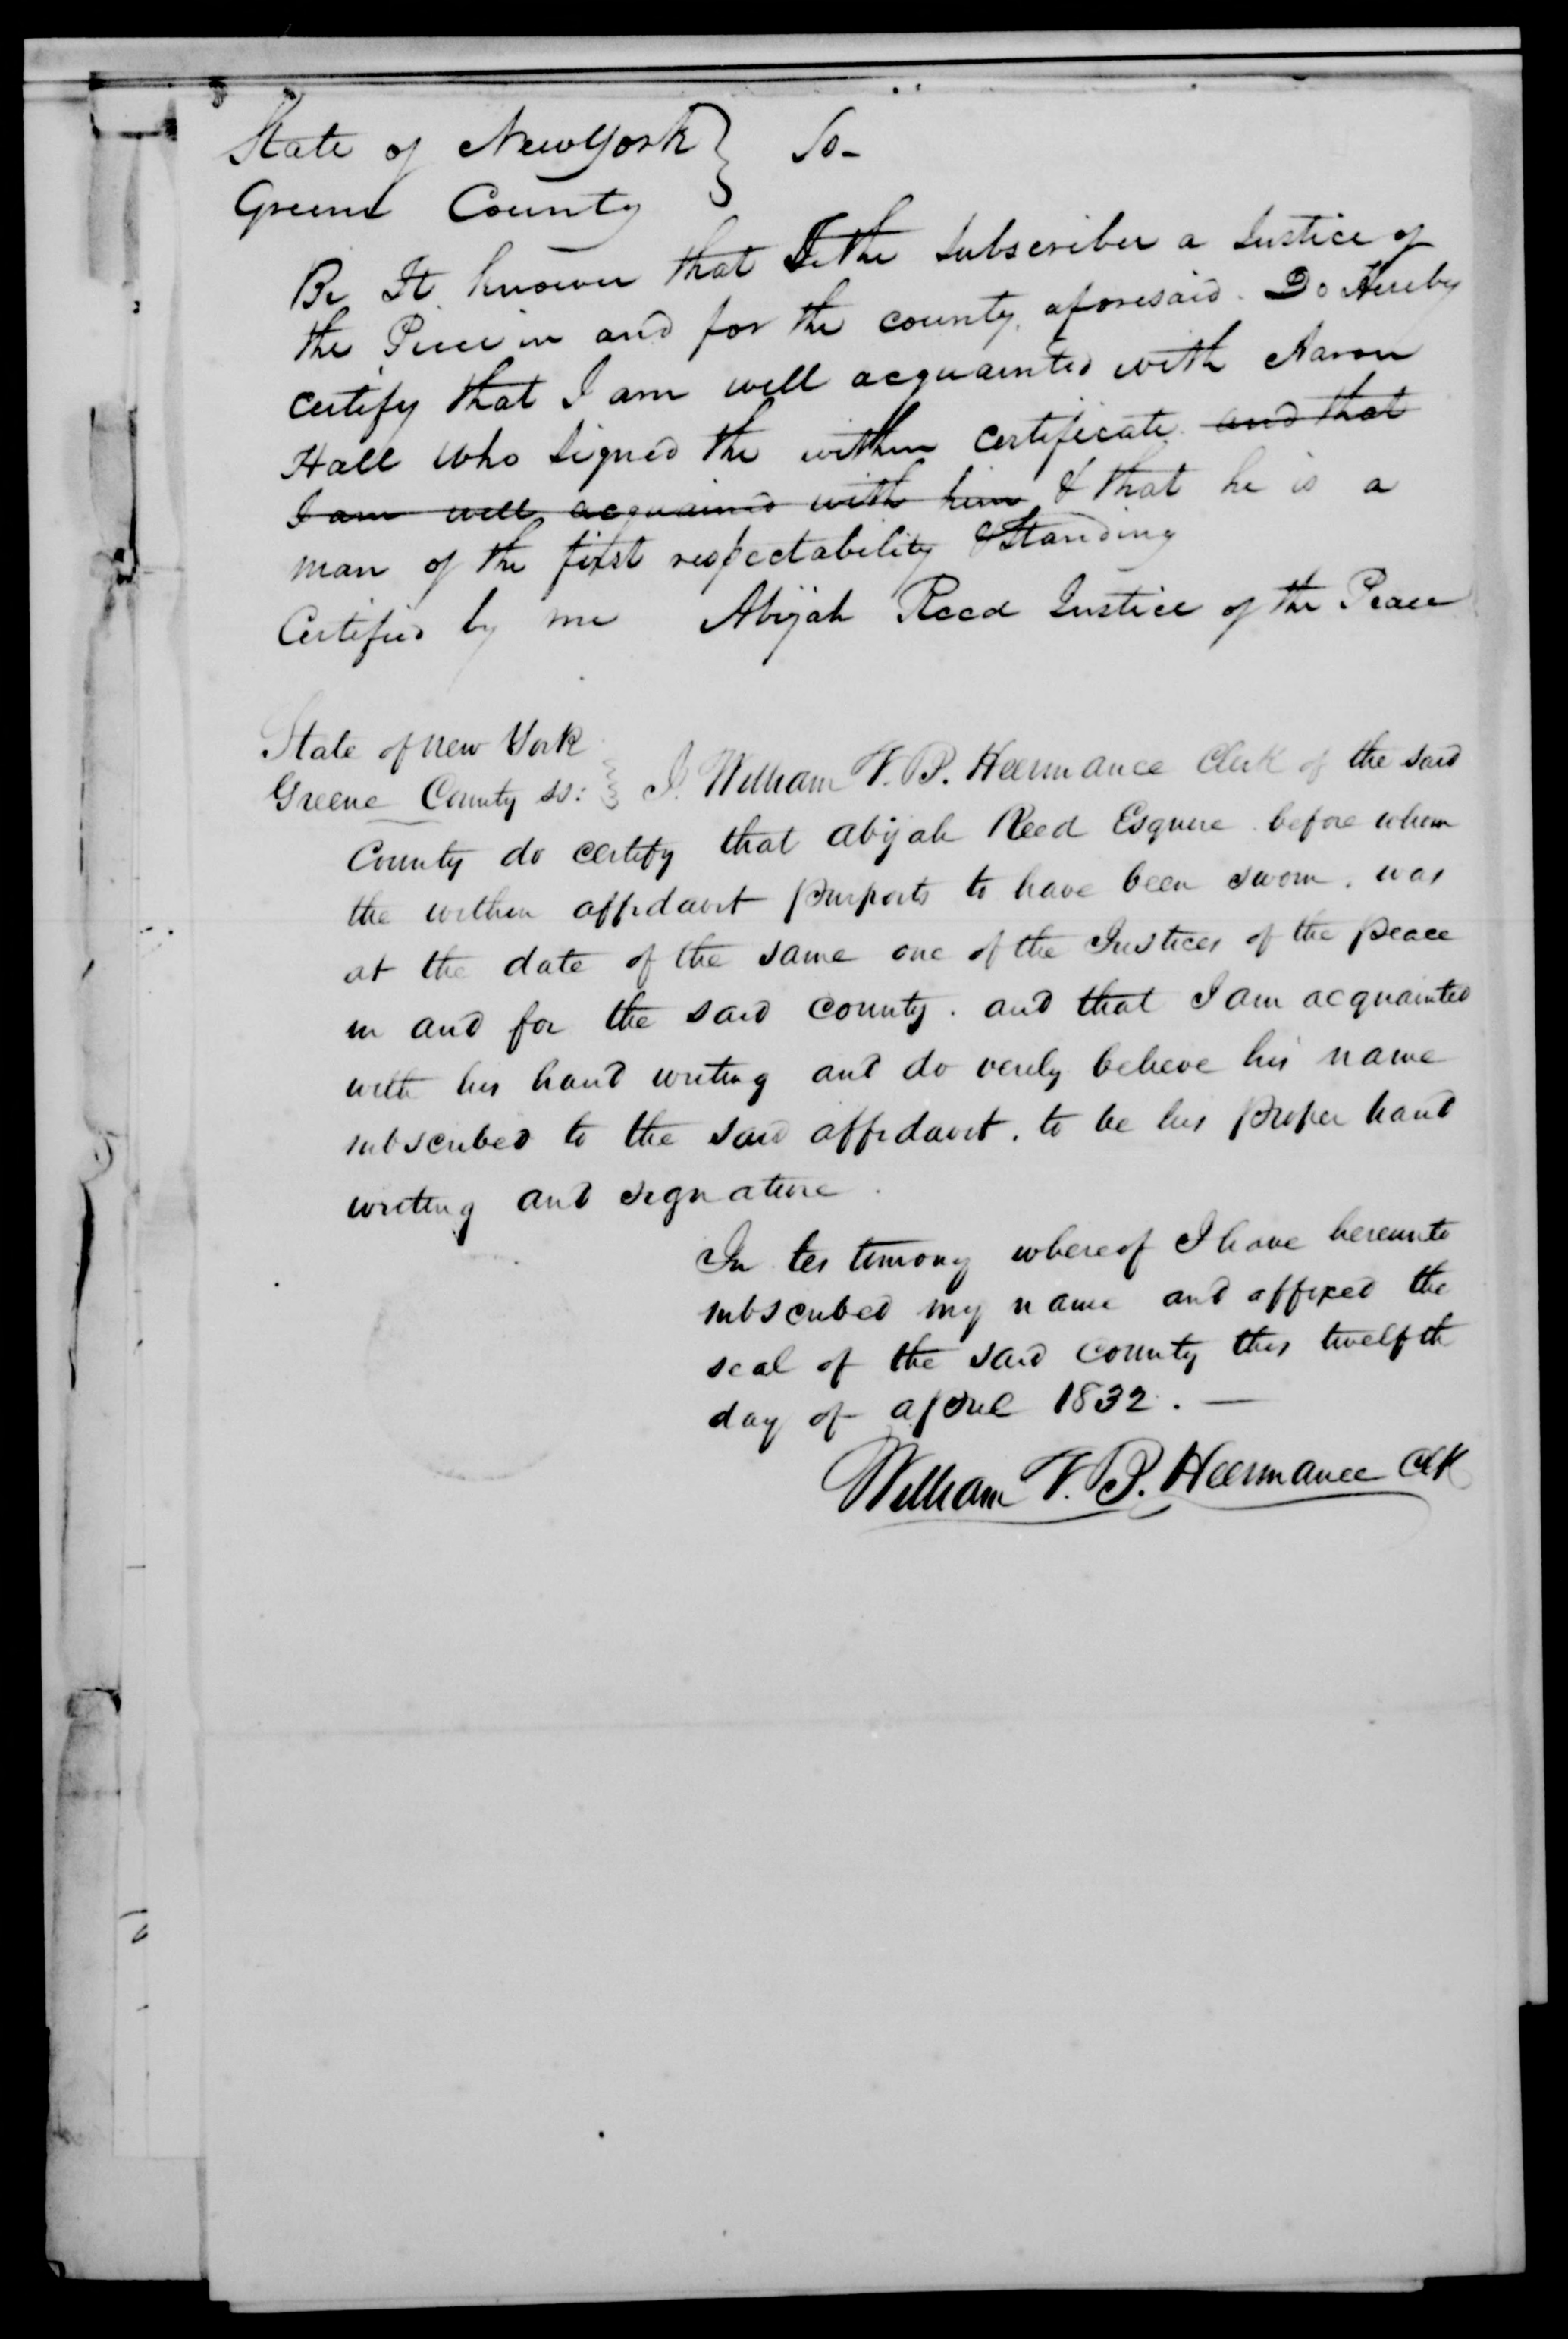State of New York 
Greene County } ss Be it known that the subscriber a Justice of the Piece in and for the County aforesaid. Do Hereby certify that I am well acquainted with Aaron Hall who signed the within certificate and that with him & that he is a man of the first respectability & standing.   
Certified by me Abijah Reed Justice of the Peace 
State of New York 
Greene County }  ss: I William V.B. Heermance Clerk of the said County do certify that Abijah Reed Esquire before whom the within affidavit purports to have been sworn was at the date of the same one of the Justices of the peace in and for the said County, and that I am acquainted with his hand writing and do verily believe his name subscribed to the said affidavit to be his proper hand writing and signature.   
In testimony whereof I have hereunto subscribed my name and affixed the seal of the said County this twelfth day of April 1832.- 
William V. B. Heermance Clk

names: Aaron Hall; Abijah Reed; William V B Heermance; William V B Heermance; Abijah Reed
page: 48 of 55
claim: widow's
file: W. 11480, for Phinehas Smith, Connecticut